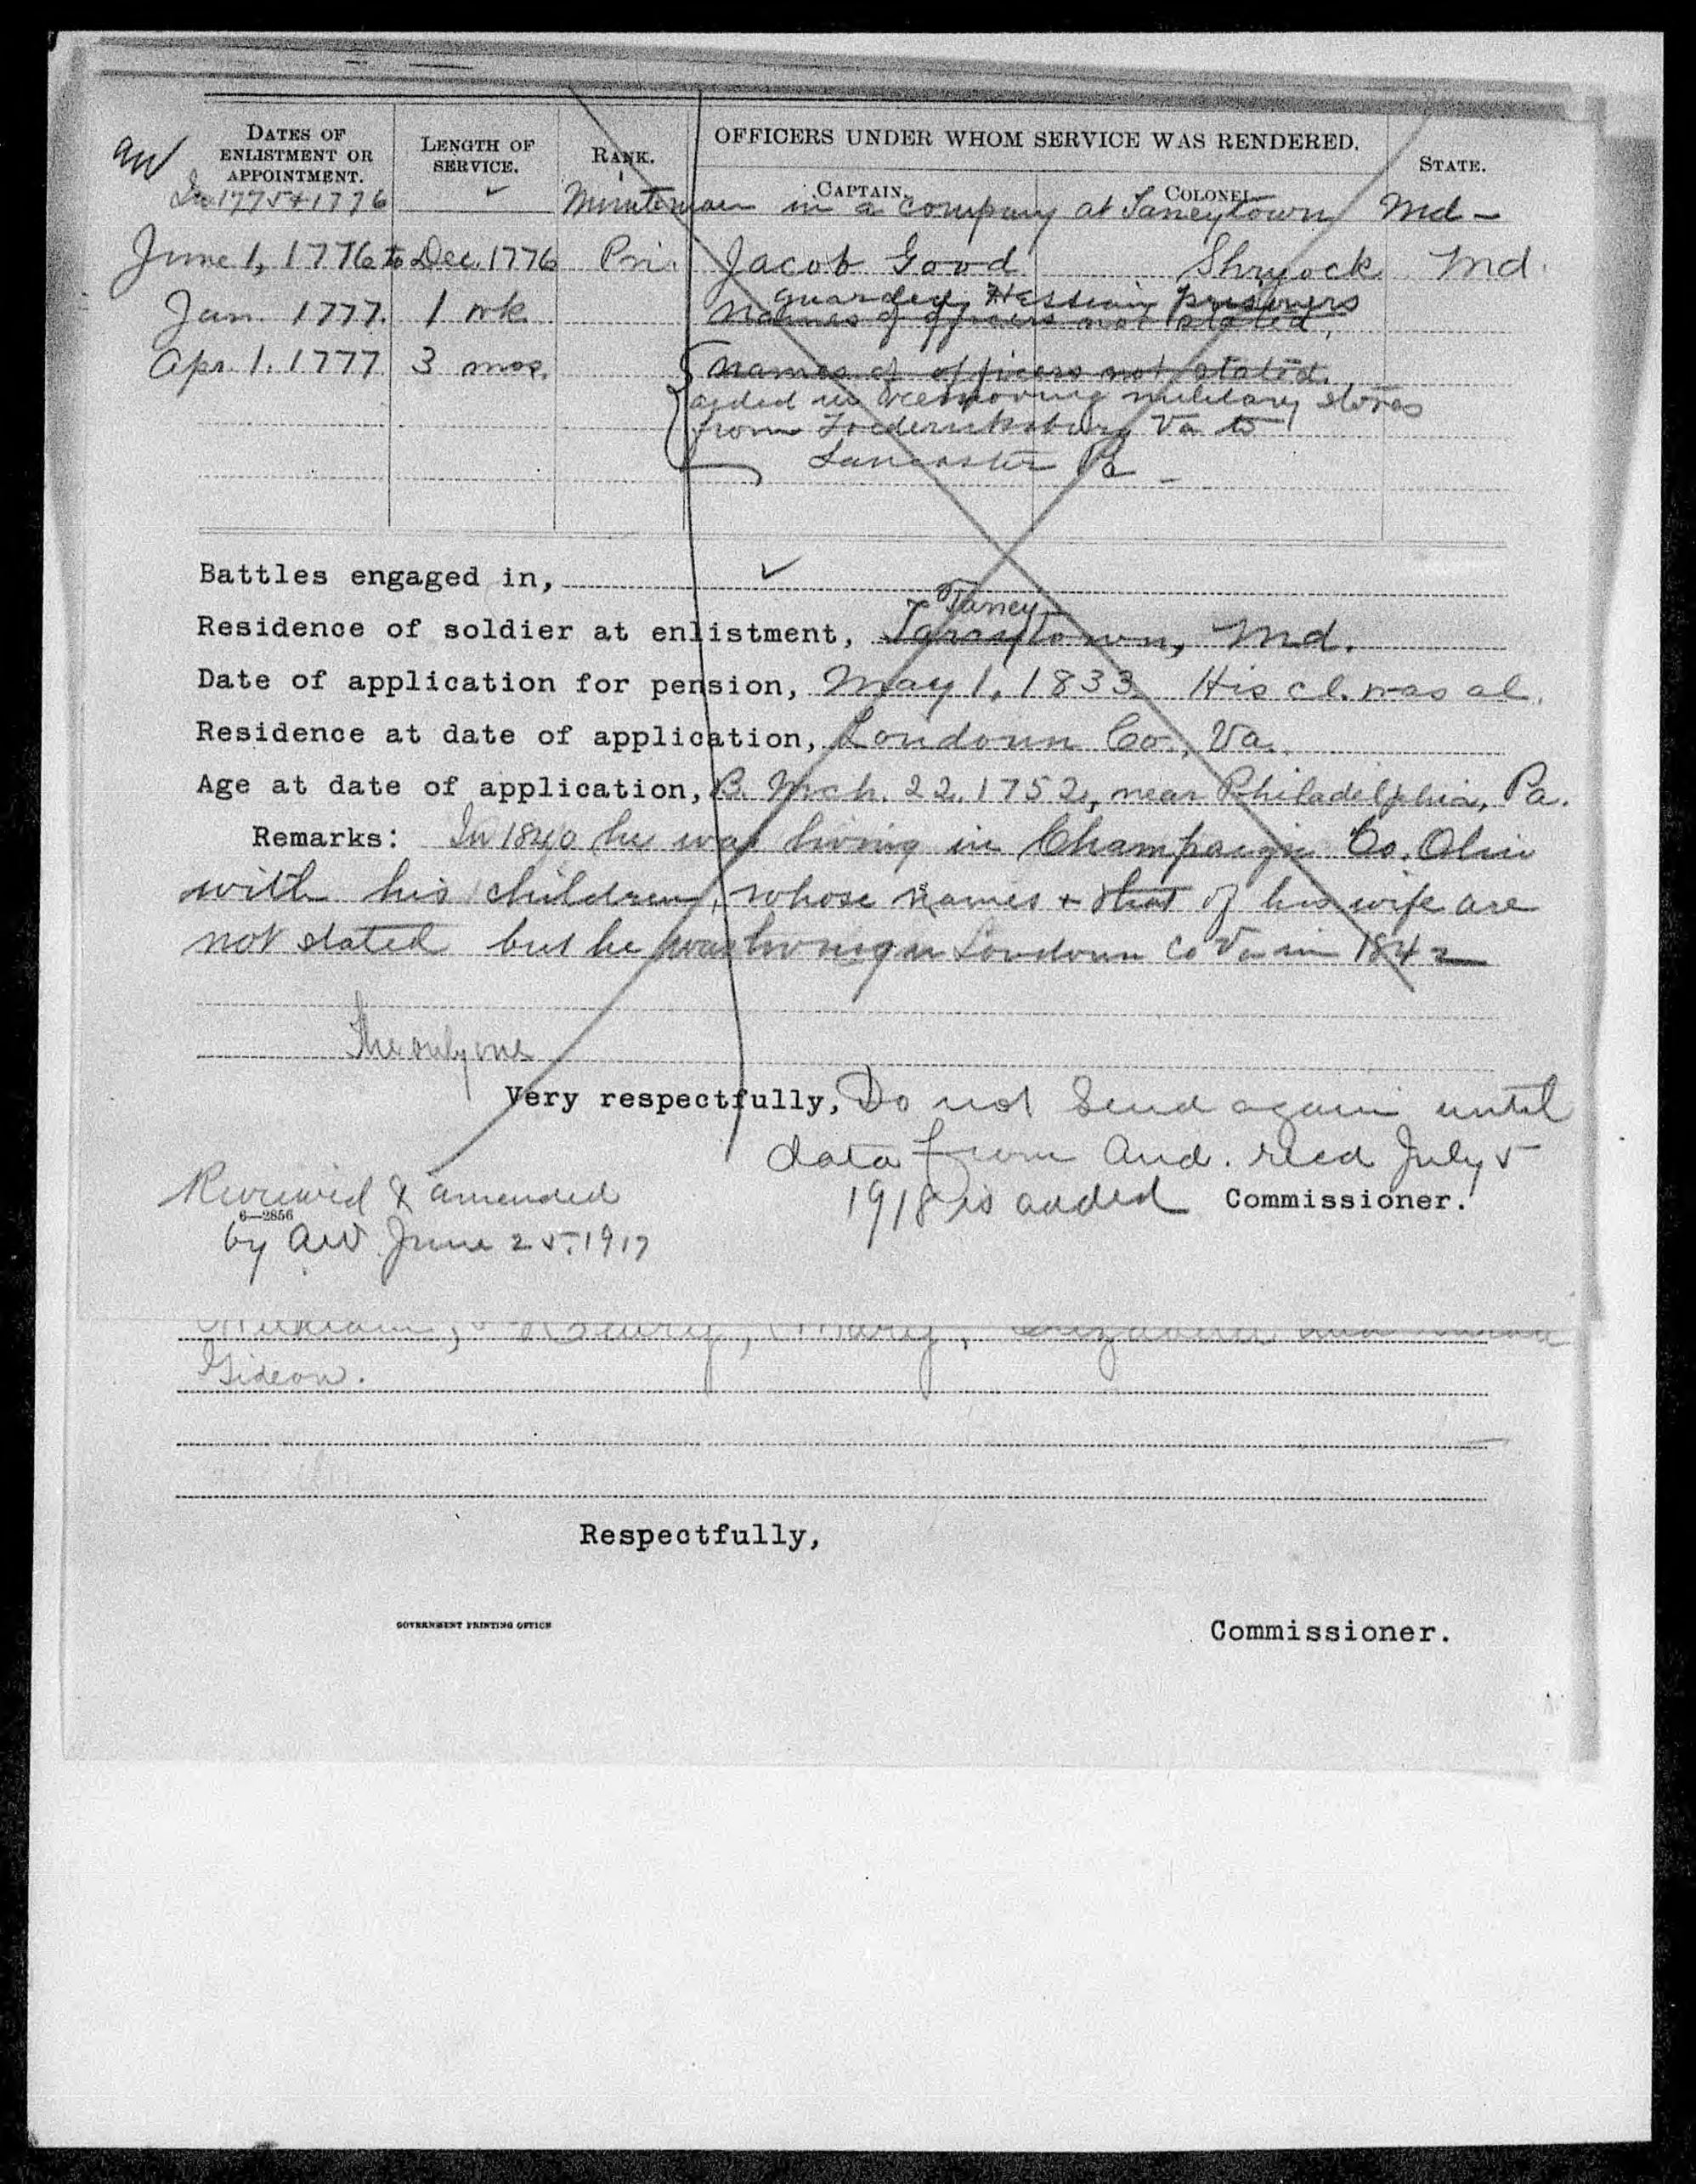[Note: large x across most of page]
DATES OF ENLISTMENT OR APPOINTMENT |
LENGTH OF SERVICE | RANK | OFFICERS UNDER WHOM SERVICE WAS RENDERED.
CAPTAIN | Colonel |State

[illegible] 1775 & 1776 |    | Minuteman in company at Taneytown | Md

June 1, 1776 to Dec. 1776 | Pri | Jacob Good |
Shrock | Md

Jan 1777. | 1 week | Guarding Hessian Prisoners

Apr 1, 1777 | 3 months | Aided in removing military stores from Fredericksburg VA to Lancaster PA

Battles engaged in -
Residence of soldier at enlistment, Taneytown, Md
Date of Application for pension, May 1 1883 [illegible]
Residence at time of application, Loudon Co VA
Age at date of application, B. Mch 22, 1752 near Philadelphia PA
Remarks: In 1940, he was living in Champaign Co Ohio with his children whose names and that of his wife are not stated but he was living in Loudon Co Virginia in 1842
Respectfully, 
Commissioner


[Note: all above was crossed out with a large X 
 with Handwritten note:]
The only one
Do not send again until data from [illlegible] July 5 1918 is added
Reviewed & amended by [illegible] June 25, 1917

[Note-looks like second page under this one]

-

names: Jacob Good, Shryock, William Gideon, Mary Gideon, Elizabeth Gideon, Henry Gideon, Sarah Gideon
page: 50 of 64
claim: survivor's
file: S. 6887, Peter Gideon, Md.